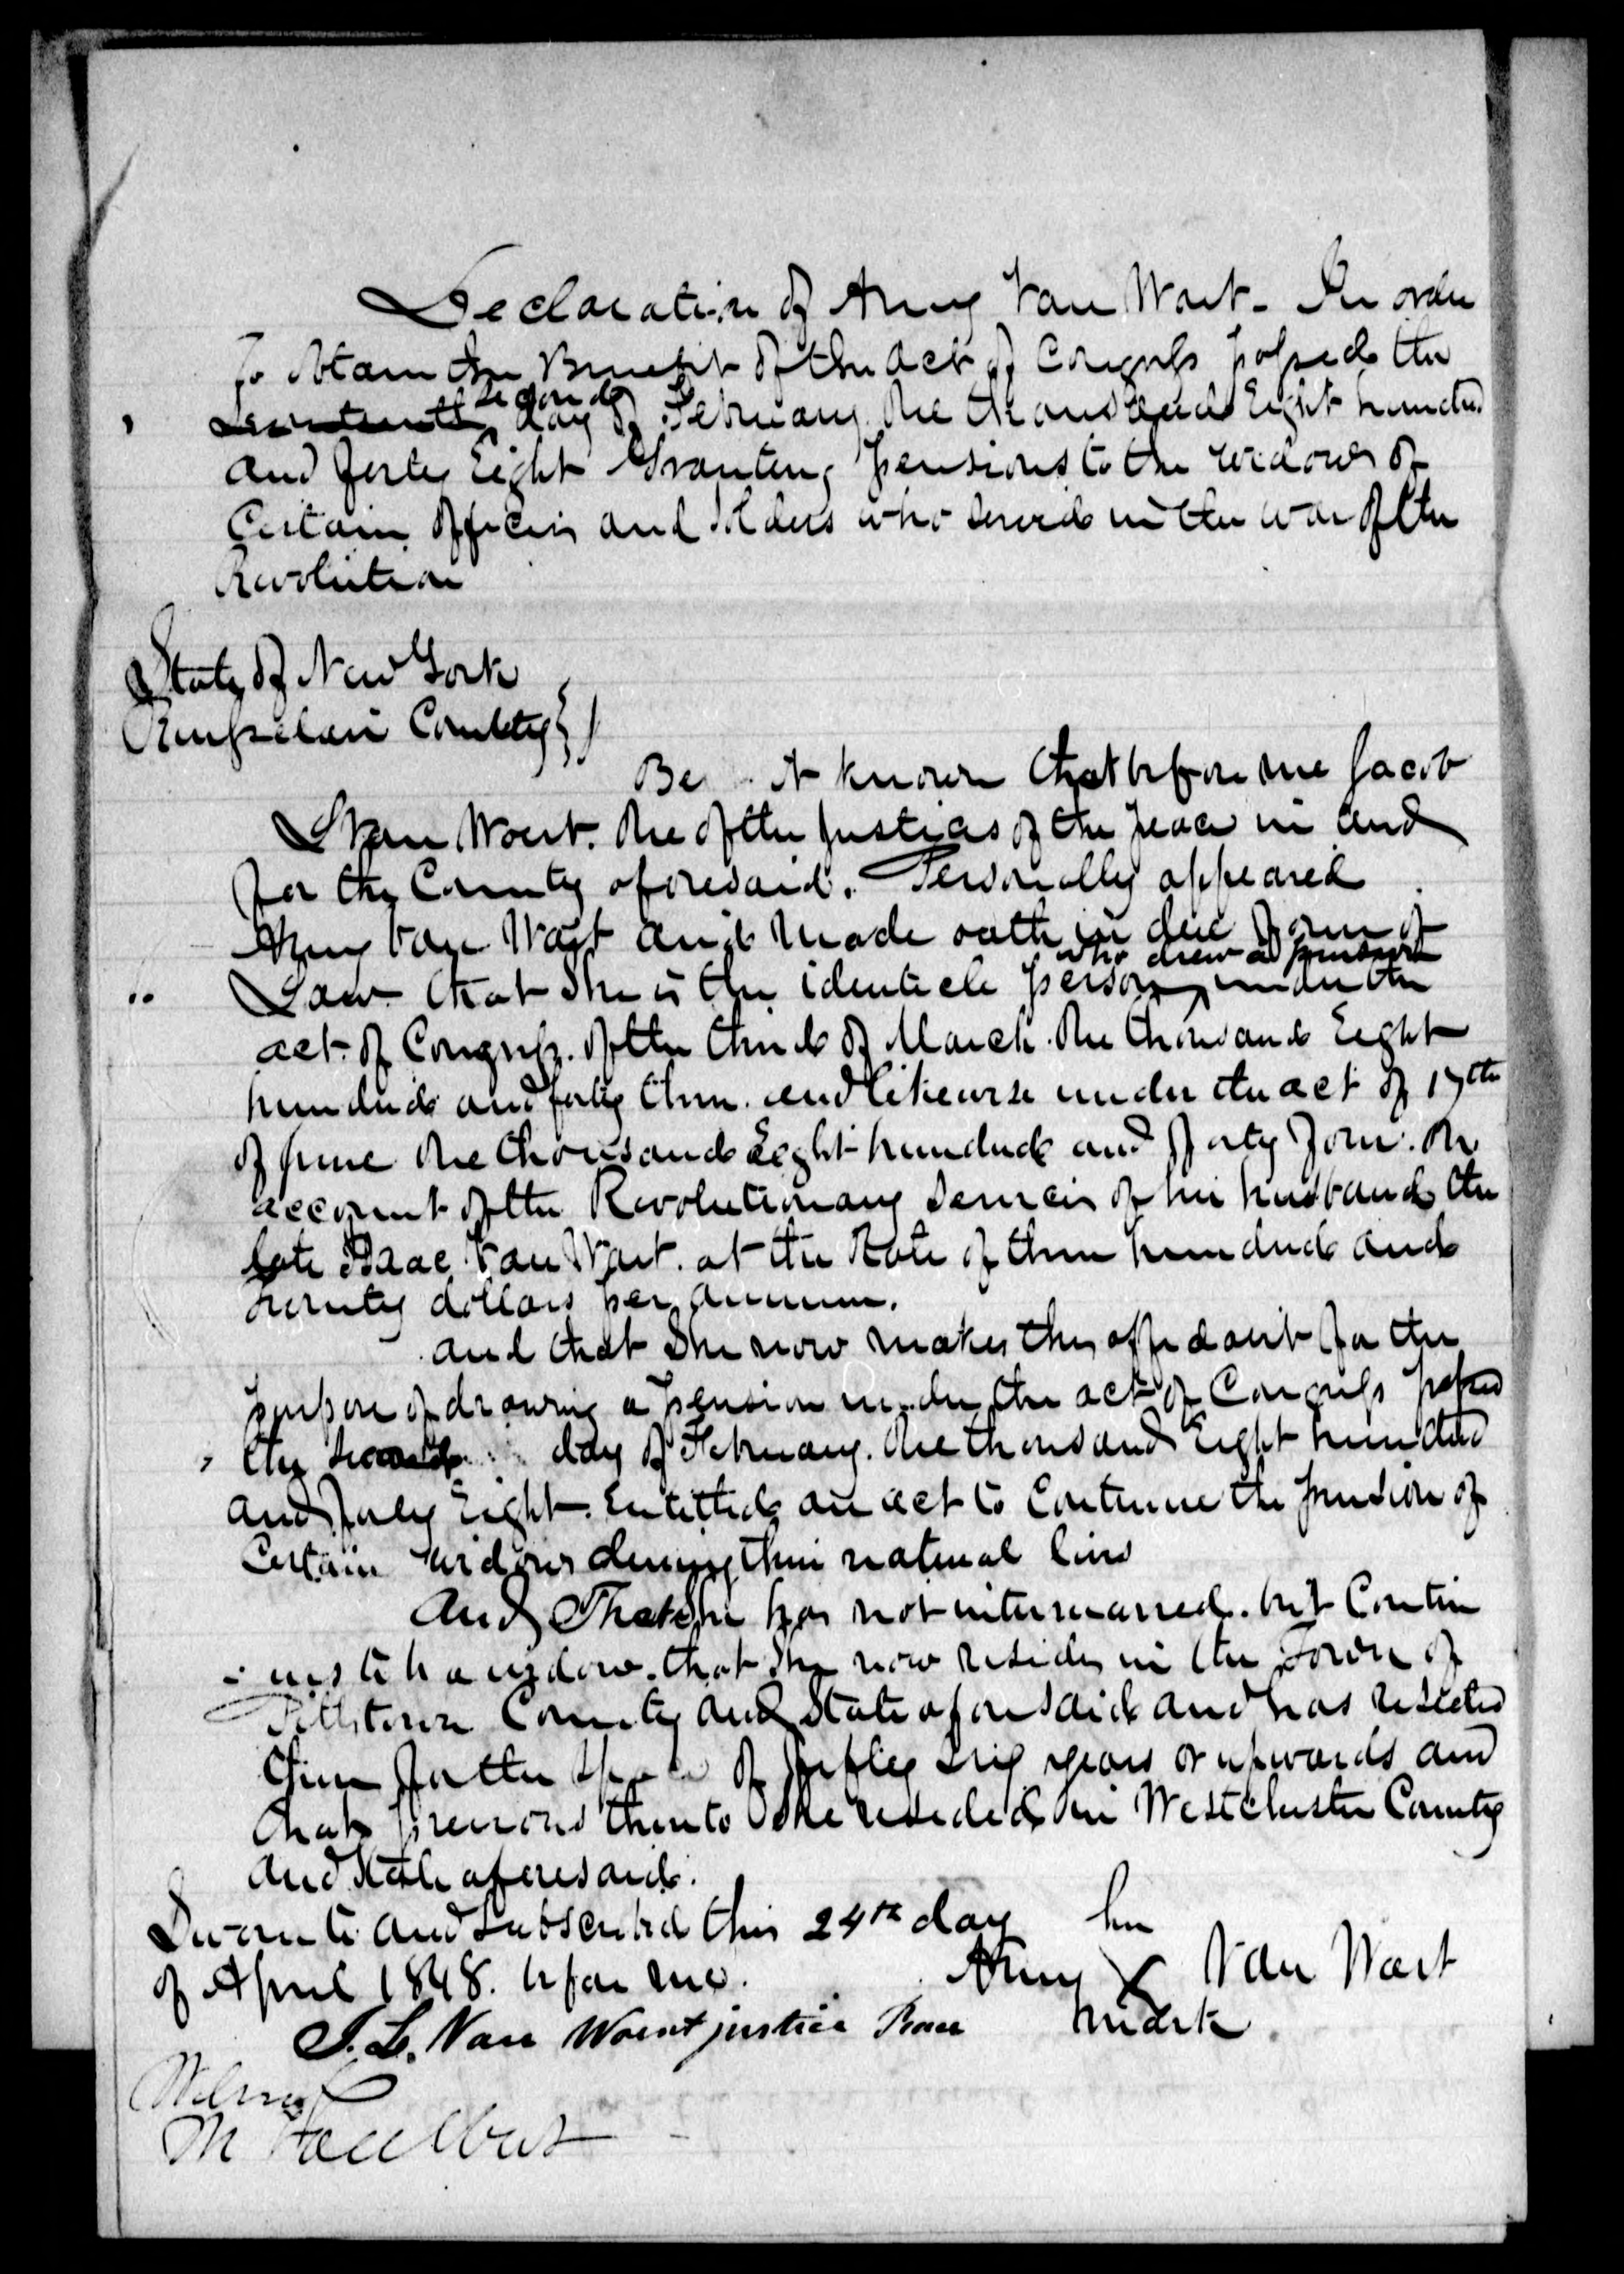Declaration of Amy Van Wart.  In order to obtain the benefit of the Act of Congress passed the [seventeenth, crossed out] second day of February One thousand eight hundred and Forty Eight Granting pensions to the widow of certain officers and soldiers who served in the War of the Revolution

State of New York
Rensselaer County

Be it know that before me one Jacob L. Van Woert one of the Justices of the peace in and for the County aforesaid Personally appeared Amy Van Wart and made oath in due form of Law that she is the identicle person who drew a pension under the Act of Congress of the third of March One thousand Eight hundred and forty three. and likewise under the act of 17th of June One thousand and Eight hundred and forty four.  on account of the Revolutionary Service of her husband the late Isaac Van Wart. at the Rate of Three hundred and twenty dollars per annum.

And that She now makes this affidavit for the purpose of drawing a pension under the Act of Congress passed on the seventeenth day of February One thousand and Eight hundred and Forty Eight and this an act to continue the pensions of certain windows during their natural lives

And That She has not intermarried but continues to be a widow.  that She now resides in the Town of Pittstown County and State aforesaid and has resided there for the space of fifteen years or upwards and that previous thereto She resided in Westchester County and State aforesaid.

Sworn an Subscribed this 24th day 
of April 1848. before me

[Signed]
J. L. Van Woert justice Peace

[Signed]
Amy Van Wart
X [her mark]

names: M Van Wert, Isaac Van Wart, Amy Van Wart, Amy Van Wart, J L Van Woert, Jacob L Van Woert, Amy Van Wart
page: 98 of 102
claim: widow's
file: W. 18239, Isaac Van Wart, New York